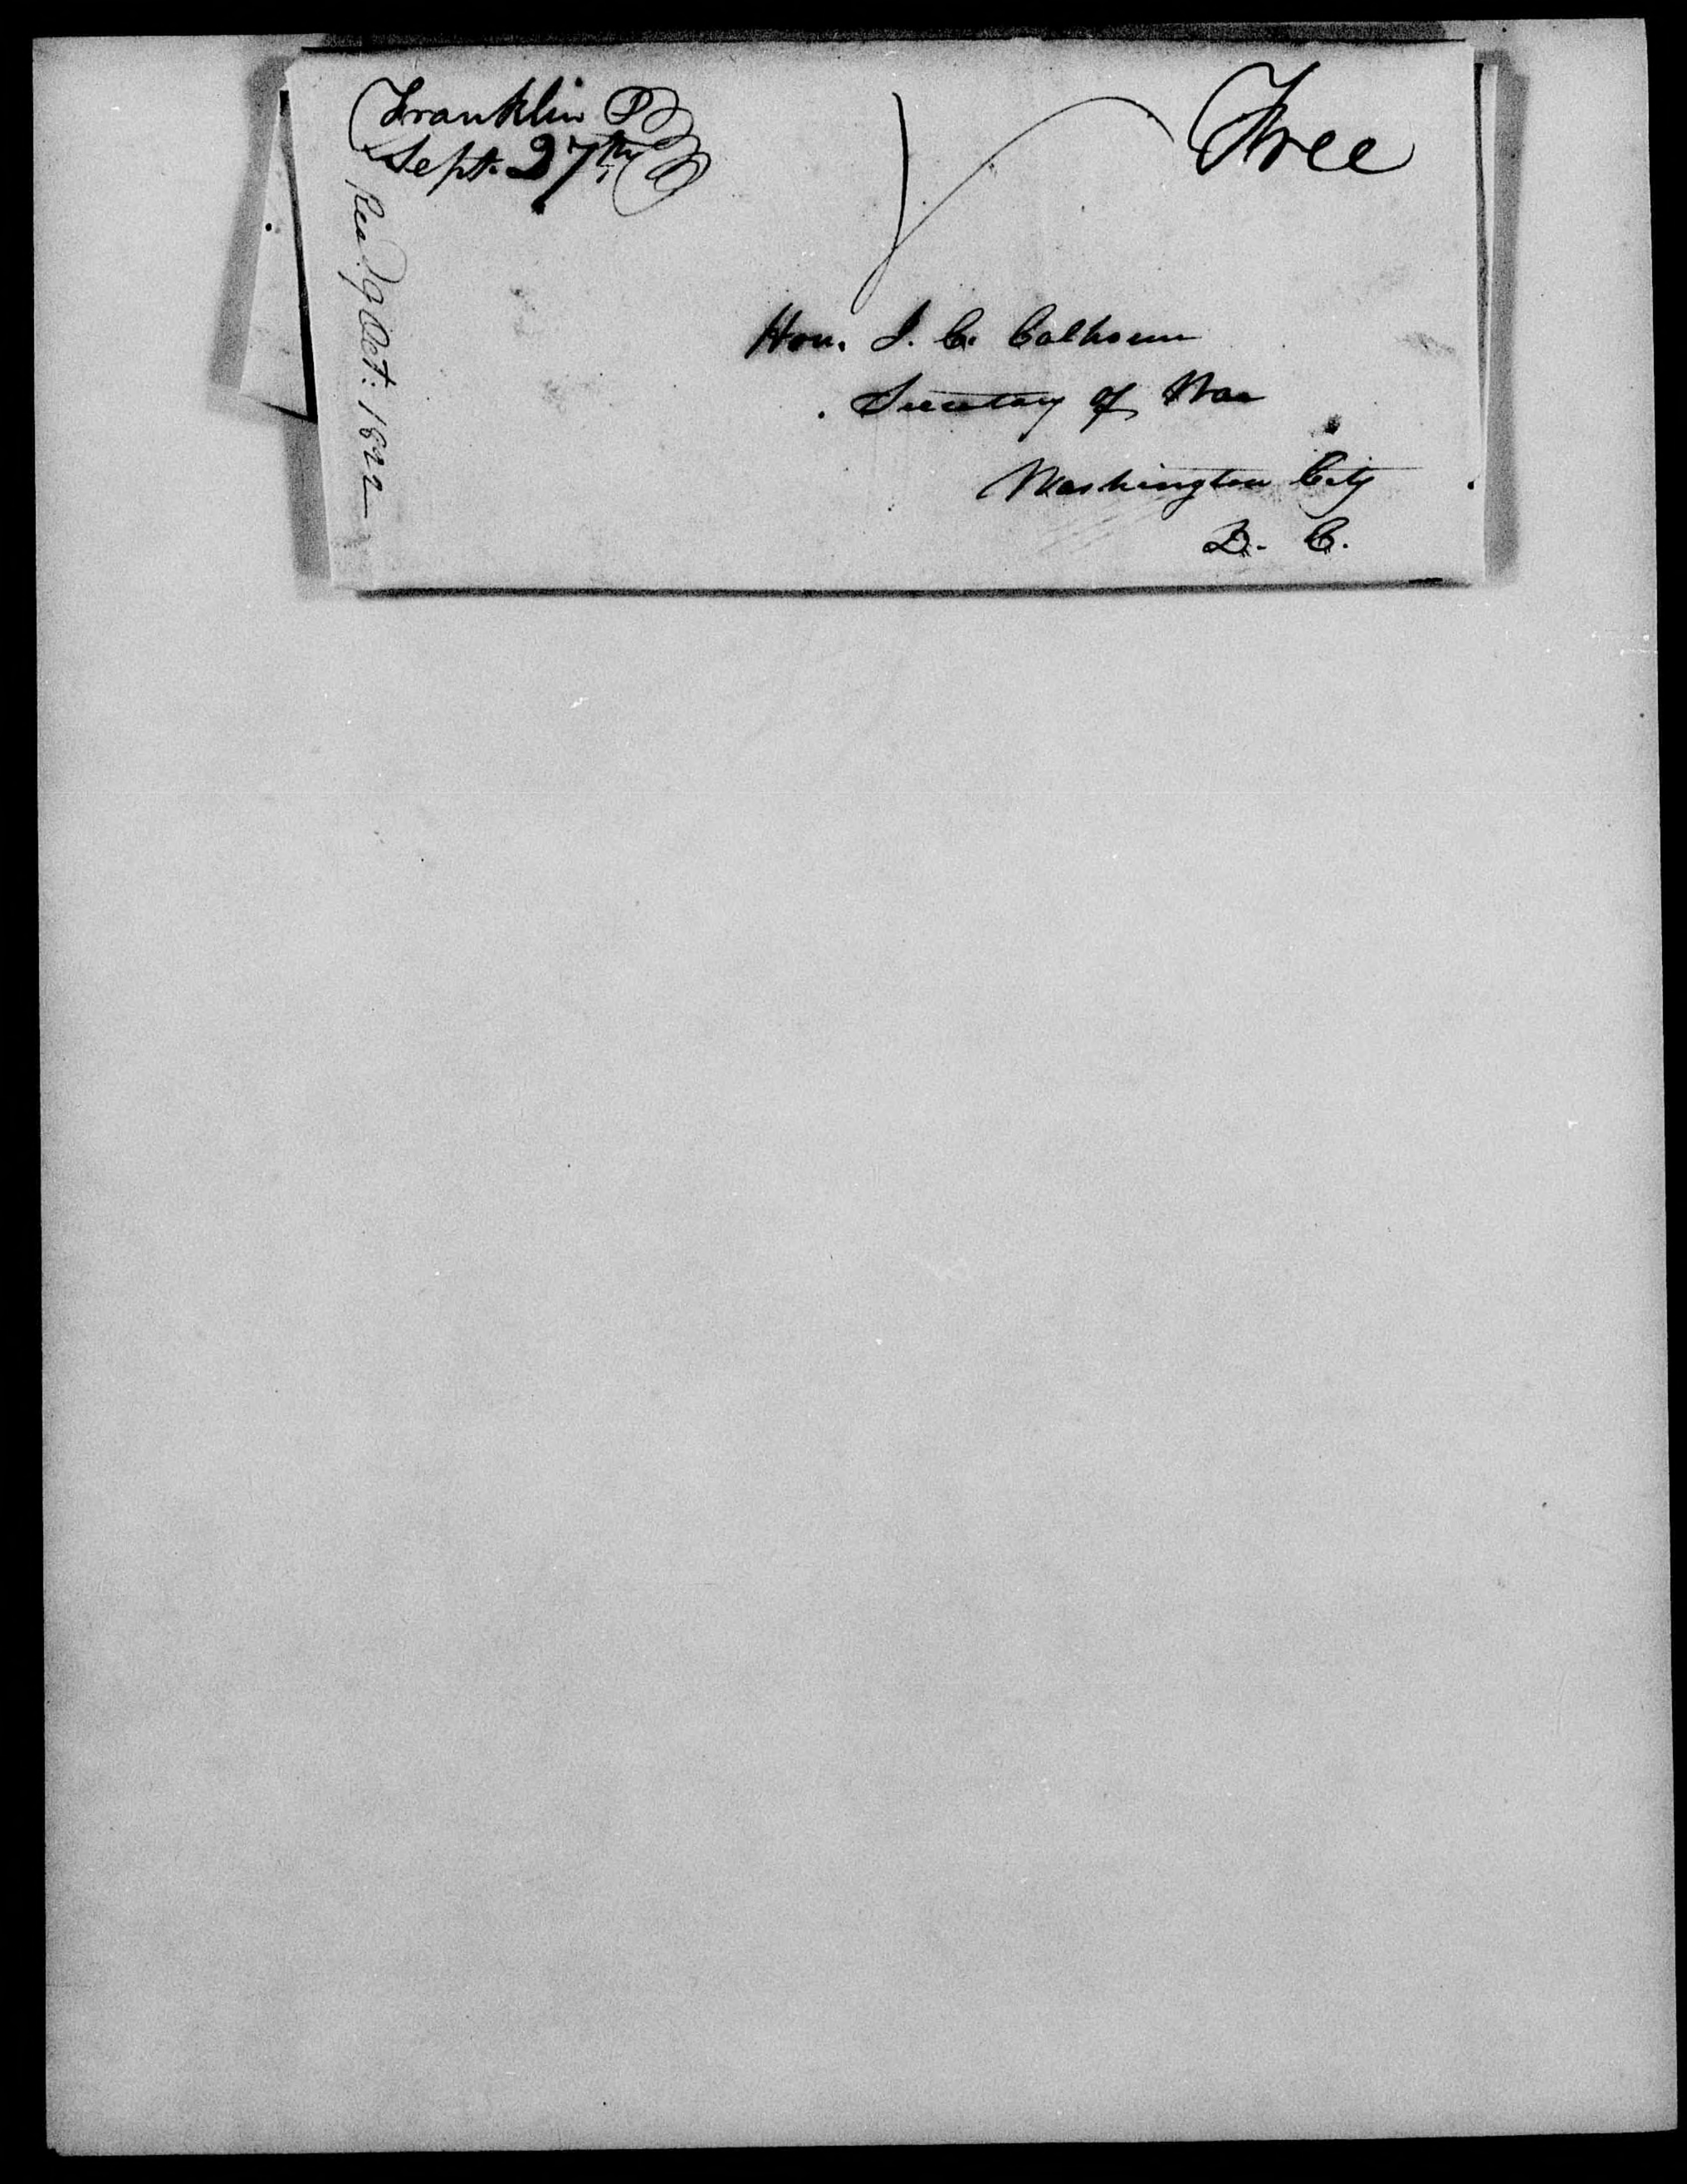Franklin PA
Sept. 27th

Free

Hon. J. C. Calhoun
Secretary of War
Washington City
D. C. 

[at right angle to above]
Recd. 9 Oct. 1822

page: 36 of 77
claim: widow's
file: W 2954, for James Mc Gee, Delaware